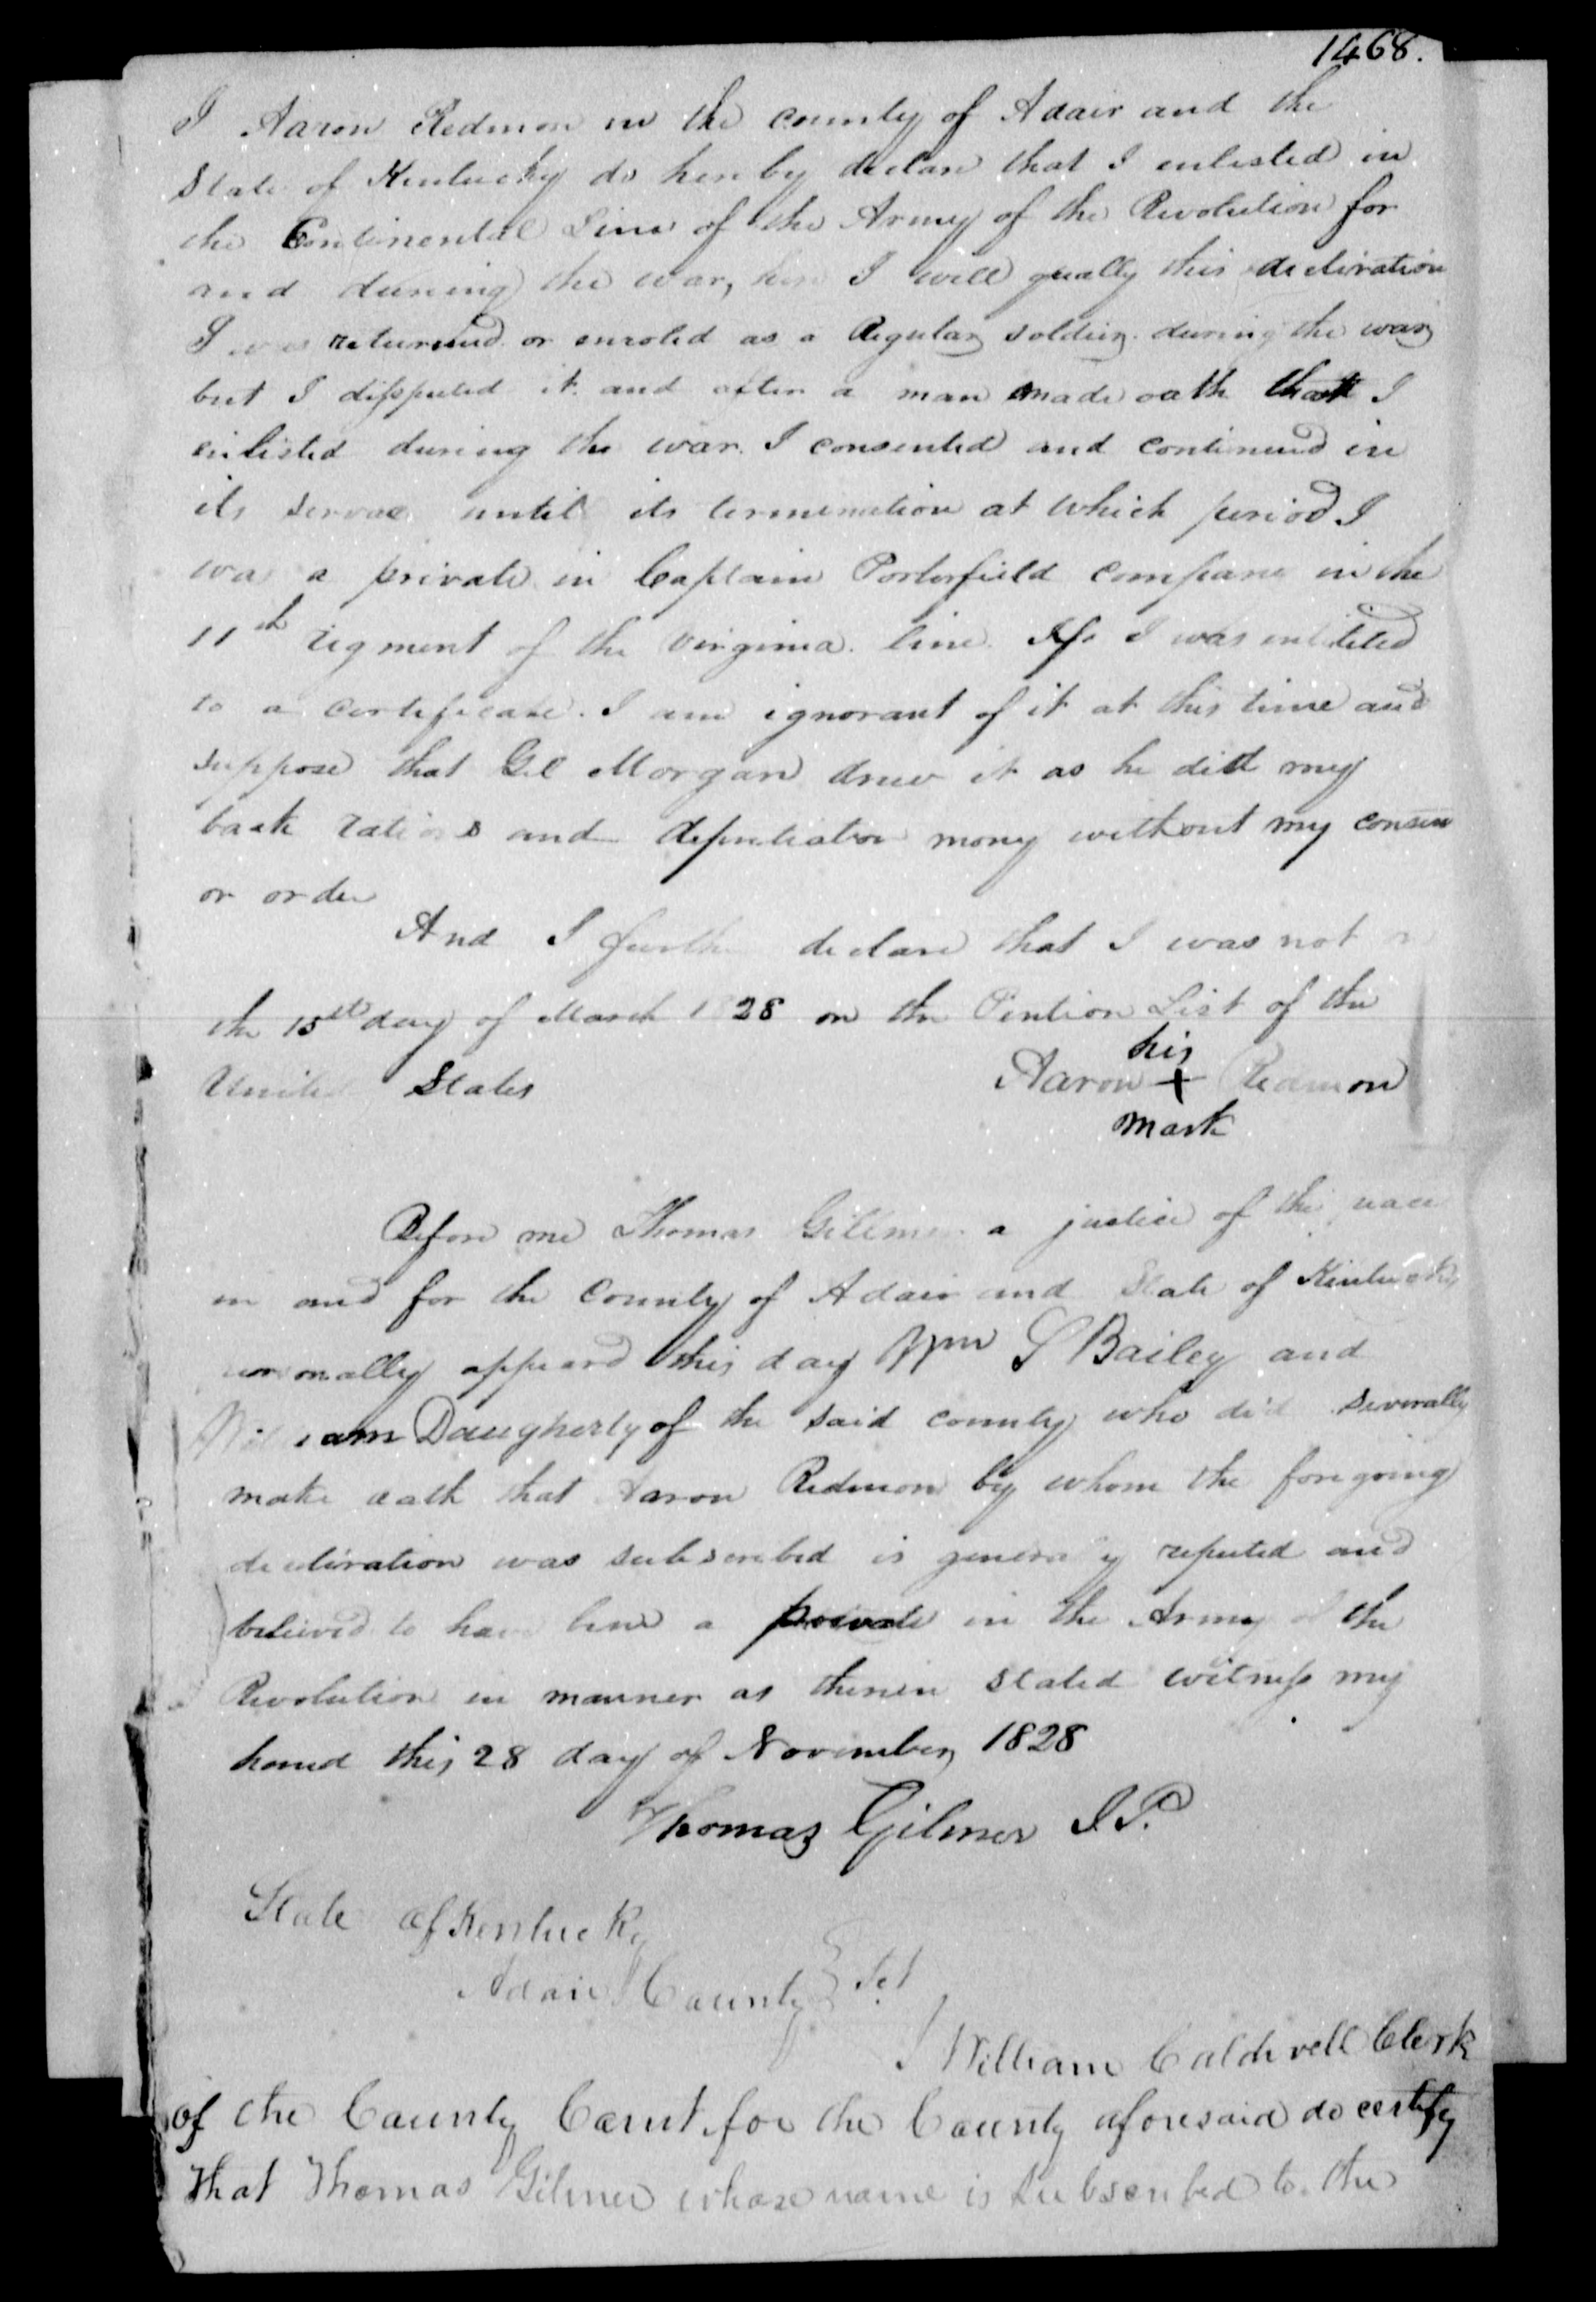1468.

I Aaron Redmon in the county of Adair and the State of Kentucky do hereby declare that I enlisted in the Continental Line of the Army of the Revolution for and during the war, I will [illegible] this decleration
I was [illegible] or enroled as a Regular soldier during the war but I [disspected?] it and after a man made oath that I enlisted during the war.  I consented and continued in its servace until its termination at which period I was a private in Captain Porterfield compani in the 11th rigment of the Virginia line.  If I was entitled to a certificate I am ignorant of it at this time and suppose that Gil Morgan drew it as he did my back rations and [illegible] mony without my consent or order.
And I further declare that I was not on the 15th day of March 1828 on the Pention Lisst of the United States
Aaron Redmon  x his mark

Before me Thomas Gillmer a justice of the peace in and for the County of Adair and State of Kentucky personally appeared this day Wm. S Bailey and William Daugherty of the said county who did severally make oath that Aaron Redmon by whom the foregoing decliration was subscribed is generaly reputed and believed to have been a private in the Army of the Revolution in manner as therein stated   witness my hand this 29 day of November 1828
Thomas Gilmer J.P.

State of Kentucky
Adair County Sct
I William Caldwell Clerk of the County Court for the County aforesaid do certify that Thomas Gilmer whose name is subscribed to the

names: Thomas Gillmer; William Caldwell; [BLANK] Morgan; Thomas Gilmer; Wm S Bailey; Aaron Redman; Aaron Redmon; Aaron Redmon; Thomas Gilmer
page: 48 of 57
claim: widow's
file: W. 9,622, for Aaron Redman, Virginia